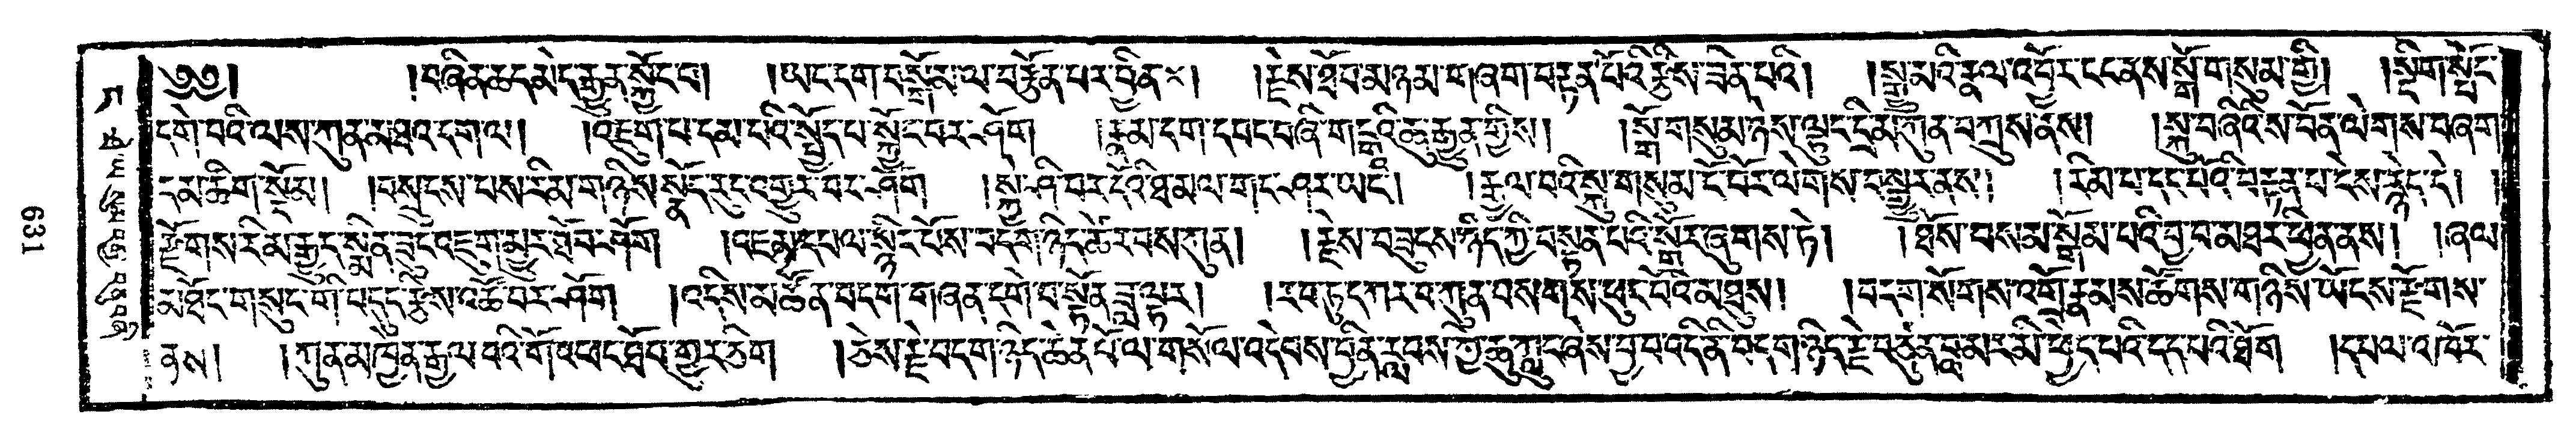༄༅། །བཞིན་ཆད་མེད་རྒྱུན་སྐྱོང་བ། །ཡང་དག་བསྒོམ་ལ་བརྩོན་པར་བྱིན་྾། །རྗེས་ཐོབ་མཉམ་གཞག་བརྟན་པོའི་རྩིས་ཟིན་པའི། །སྒྱུ་མའི་རྣལ་འབྱོར་ངང་ནས་སྒོ་གསུམ་གྱི། །སྡིག་སྤོང་
དགེ་བའི་ལས་ཀུན་མཐའ་དག་ལ། །འཇུག་པ་དམ་པའི་སྤྱོད་པ་སྐྱོང་བར་ཤོག །རྣམ་དག་དབང་བཞི་གངྒཱའི་ཆུ་རྒྱུན་གྱིས། །སྒོ་གསུམ་ཉེས་ལྟུང་དྲི་མ་ཀུན་བཀྲུས་ནས། །སྐུ་བཞིའི་ས་བོན་ལེགས་བཞག་
དམ་ཚིག་སྡོམ། །བསྲུངས་པས་རིམ་གཉིས་སྣོད་རུང་འགྱུར་བར་ཤོག །སྐྱེ་ཤི་བར་དོའི་ཐ་མལ་གང་ཤར་ཡང་། །རྒྱལ་བའི་སྐུ་གསུམ་ངོ་བོར་ལེགས་བསྒྱུར་ནས། །རིམ་པ་དང་པོའི་བརྟན་པ་ངེས་རྙེད་དེ། །
རྫོགས་རིམ་རྒྱུད་སྨིན་ཟུང་འཇུག་མྱུར་ཐོབ་ཤོག །འཇམ་དཔལ་སྙིང་པོས་བདག་ཉིད་ཚེ་རབས་ཀུན། །རྗེས་བཟུངས་ཉིད་ཀྱི་བསྟན་པའི་སྒོར་ཞུགས་ཏེ། །ཐོས་བསམ་སྒོམ་པའི་བྱ་བ་མཐར་ཕྱིན་ནས། །ཞལ་
མཐོང་གསུང་གི་བདུད་རྩིས་འཚོ་བར་ཤོག །འདིས་མཚོན་བདག་གཞན་དགེ་བ་སྟོན་ཟླ་ལྟར། །རབ་ཏུ་དཀར་བ་ཀུན་བསགས་ཕུང་པོའི་མཐུས། །བདག་སོགས་འགྲོ་རྣམས་ཚོགས་གཉིས་ཡོངས་རྫོགས་
ནས། །ཀུན་མཁྱེན་རྒྱལ་བའི་གོ་འཕང་ཐོབ་གྱུར་ཅིག །ཅེས་རྗེ་བདག་ཉིད་ཆེན་པོ་ལ་གསོལ་འདེབས་བྱིན་རླབས་ཀྱི་ཆུ་ཀླུང་ཞེས་བྱ་བ་འདི་ནི་བདག་ཉིད་རྗེ་བཙུན་བླ་མར་མི་ཕྱེད་པའི་དད་པའི་ཐོག །དཔལ་འཁོར་